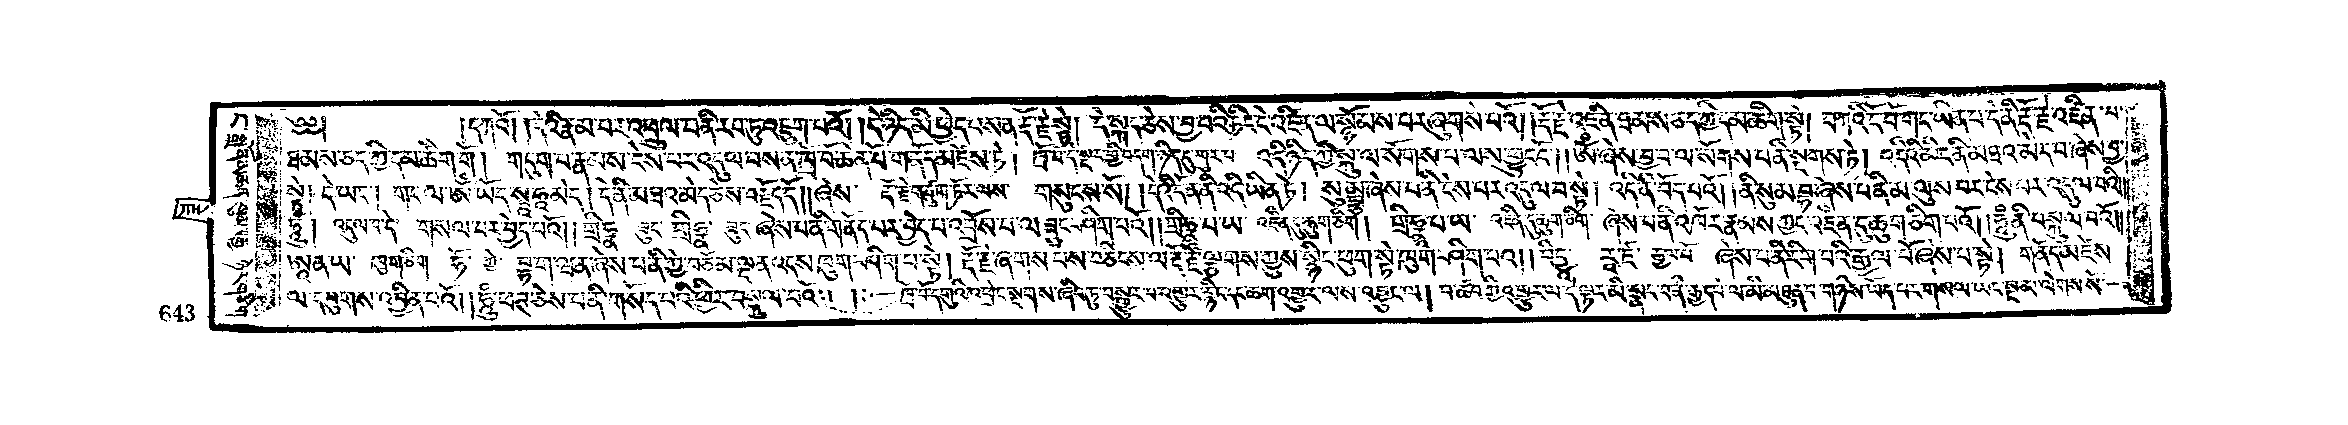༄༅། །དཀའོ། །དེའི་རྣམ་པར་འཕྲུལ་པ་ནི་རབ་ཏུ་འཇུག་པའོ། །དེ་ཉིད་མི་ཕྱེད་པས་ན་རྡོ་རྗེ་སྟེ། དེ་སྐད་ཅེས་བྱ་བའི་ཏིང་ངེ་འཛིན་ལ་སྙོམས་པར་ཞུགས་པའོ། །རྡོ་རྗེ་འཛིན་ཐམས་ཅད་ཀྱི་དམ་ཚིག་སྟེ། བཀའི་ངོ་བོ་གང་ཡིན་པ་དེ་ནི་རྡོ་རྗེ་འཛིན་
ཐམས་ཅད་ཀྱི་དམ་ཚིག་གོ །གདུག་པ་རྣམས་ངེས་པར་འདུལ་བས་ན་ཁྲོ་བོ་ཆེན་པོ་གནོད་མཛེས་ཏེ། ཁྲོ་བོ་དེ་སྔར་གྱི་བདག་ཉིད་དུ་གྱུར་པ་འདི་ཉིད་ཀྱི་སྐུ་ལ་སོགས་པ་ལས་ཕྱུང་ངོ། །ཨོཾ་ཞེས་བྱ་བ་ལ་སོགས་པ་ནི་སྔགས་ཏེ། འདིའི་མིང་ནི་མཐའ་མེད་པ་ཞེས་བྱ་
སྟེ། དེ་ཡང་། གང་ལ་ཨོཾ་ཡོད་སྭཱ་ཧཱ་མེད། དེ་ནི་མཐའ་མེད་ཅེས་བརྗོད་དོ། །ཞེས་རྡོ་རྗེ་གཙུག་ཏོར་ལས་གསུངས་སོ། །དེའི་དོན་ནི་འདི་ཡིན་ཏེ། སུམྦྷ་ཞེས་པ་ནི་ངེས་པར་འདུལ་བ་སྟེ། འདི་ནི་བོད་པའོ། །ནི་སུམ་བྷ་ཞེས་པ་ནི་མ་ལུས་པར་ངེས་པར་འདུལ་བའོ། །
ཧཱུཾ། འདུལ་བ་དེ་གསལ་བར་བྱེད་པའོ། །གྲིཧྣ་ཟུང་གྲིཧྣ་ཟུང་ཞེས་པ་ནི་གནོད་པར་བྱེད་པ་འབྲོས་པ་ལ་ཟུང་ཤིག་པའོ། །གྲིཧྣ་པ་ཡ་འཛིན་དུ་ཆུག་ཅིག་།གྲིཧྣཱ་པ་ཡ་འཛིན་དུ་ཆུག་ཅིག་ཞེས་པ་ནི་འཁོར་རྣམས་ཀྱང་འཛིན་དུ་ཆུག་ཅིག་པའོ། །ཧཱུཾ་ནི་བསྐུལ་བའོ། །
ཨཱ་ན་ཡ་ཁུག་ཅིག་ཧོ་ཀྱེ་བྷ་ག་ཝན་ཞེས་པ་ནི་ཀྱི་བཅོམ་ལྡན་འདས་ཁུག་ཤིག་པ་སྟེ། རྡོ་རྗེ་ཞགས་པས་བཅིངས་ལ་རྡོ་རྗེ་ལྕགས་ཀྱུས་སྙིང་ཕུག་སྟེ་ཁུག་ཤིག་པའོ། །བིདྱཱ་རཱ་ཛ་རྒྱལ་པོ་ཞེས་པ་ནི་རིག་པའི་རྒྱལ་པོ་ཞེས་པ་སྟེ། གནོད་མཛེས་
ལ་དབུགས་འབྱིན་པའོ། །ཧཱུཾ་ཕཊ་ཅེས་པ་ནི་གསོད་པའི་ཕྱིར་བསྐུལ་བའོ། ། H.་ཁྲོ་བོ་དགུའི་འཕྲེང་སྔགས་ཞིབ་ཏུ་བསྒྱུར་བ་འགྱུར་རྙིང་དང་ཆག་འགྱུར་ལས་འབྱུང་ལ། པ་ཚབ་ཀྱི་འགྱུར་ལ་དེ་ལྟར་མི་སྣང་བ་ནི་རྒྱ་དཔེ་ལ་མི་མཐུན་པ་གཉིས་ཡོད་པར་གསལ་ཡང་སྔ་མ་ལེགས་སོH